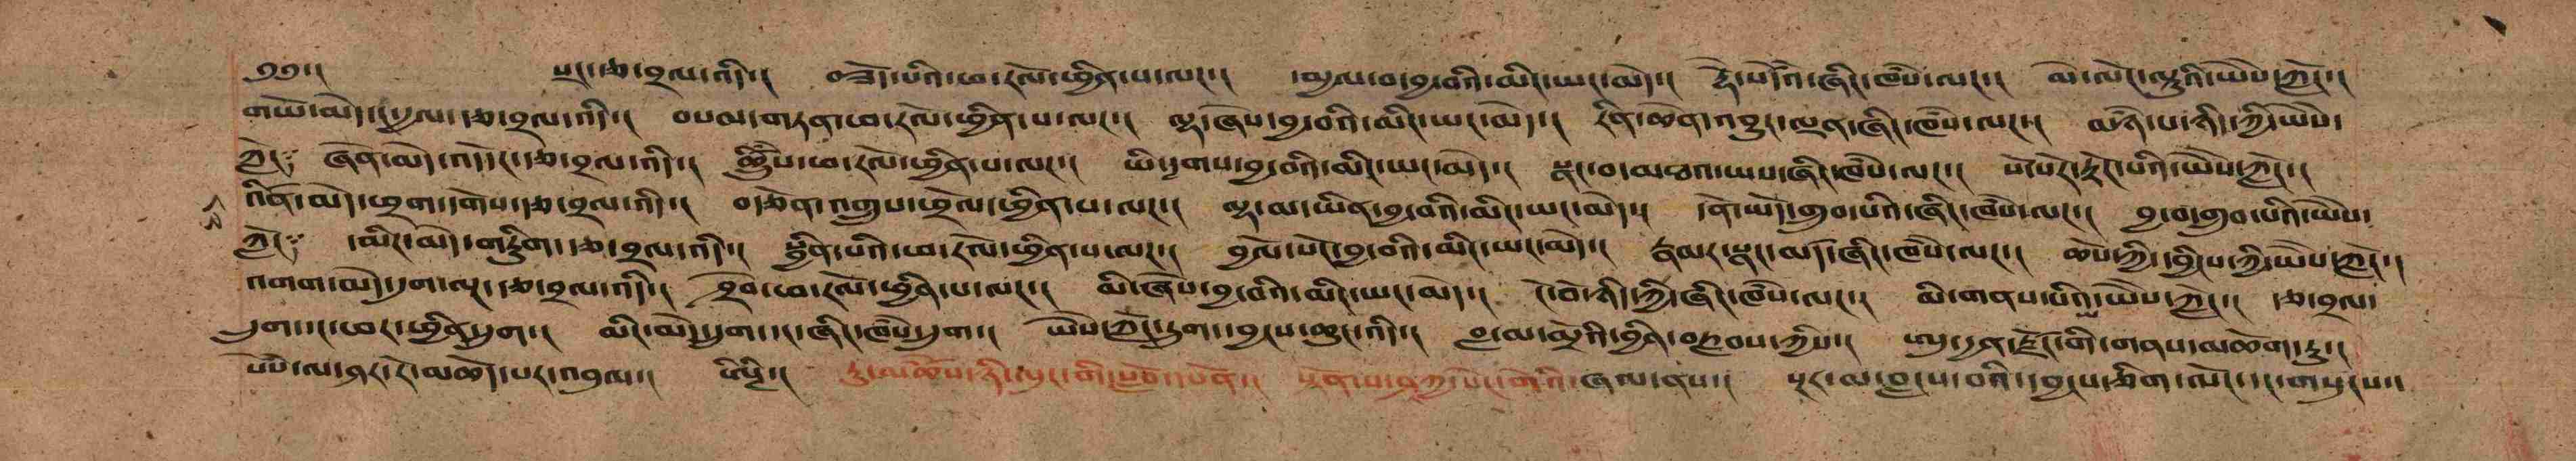༄༅་། སྡང་རྩ་བྲལ་འདི། བཟོད་པའི་ཕ་རོལ་ཕྱིན་པ་ལགས། དམྱལ་བ་བྱ་བའི་མིང་ཡང་མེད། རྡོ་རྗེ་སེམས་དཔའ་ཞིང་ཁམས་ལགས། མེ་ལོང་ལྟ་བུའི་ཡེ་ཤེས་ཀློང་། 
གཡོ་མེད་ང་རྒྱལ་རྩ་བྲལ་འདི། བསམ་གཏན་ཕ་རོལ་ཕྱིན་པ་ལགས། ལྷ་ཞེས་བྱ་བའི་མིང་ཡང་མེད། རིན་ཆེན་འབྱུང་ལྡན་ཞིང་ཁམས་ལགས། མཉམ་པ་ཉིད་ཀྱི་ཡེ་ཤེས་
ཀློང༑ ཞེན་མེད་འདོད་ཆགས་རྩ་བྲལ་འདི། ཚུལ་ཁྲིམས་ཕ་རོལ་ཕྱིན་པ་ལགས། ཡི་དྭགས་བྱ་བའི་མིང་ཡང་མེད། སྣང་བ་མཐའ་ཡས་ཞིང་ཁམས་ལགས། སོ་སོར་རྟོགས་པའི་ཡེ་ཤེས་ཀློང་། 
འཛིན་མེད་ཕྲག་དོགས་རྩ་བྲལ་འདི། བརྩོན་འགྲུས་ཕ་རོལ་ཕྱིན་པ་ལགས། ལྷ་མ་ཡིན་བྱ་བའི་མིང་ཡང་མེད། དོན་ཡོད་གྲུབ་པའི་ཞིང་ཁམས་ལགས། བྱ་བ་གྲུབ་པའི་ཡེ་ཤེས་
ཀློང༑ དམིགས་མེད་གཏི་མུག་རྩ་བྲལ་འདི། སྦྱིན་པའི་ཕ་རོལ་ཕྱིན་པ་ལགས། བྱོལ་སོང་བྱ་བའི་མིང་ཡང་མེད། རྣམ་པར་སྣང་མཛད་ཞིང་ཁམས་ལགས། ཆོས་ཀྱི་དབྱིངས་ཀྱི་ཡེ་ཤེས་ཀློང་། 
འགག་མེད་དུག་ལྔ་རྩ་བྲལ་འདི། ཤེས་རབ་ཕ་རོལ་ཕྱིན་པ་ལགས། མི་ཞེས་བྱ་བའི་མིང་ཡང་མེད། ངོ་བོ་ཉིད་ཀྱི་ཞིང་ཁམས་ལགས། མི་གནས་པའི་ཡེ་ཤེས་ཀློང་། རྩ་བྲལ་
དྲུག་དང་ཕར་ཕྱིན་དྲུག མིང་མེད་དྲུག་དང་ཞིང་ཁམས་དྲུག ཡེ་ཤེས་ཀློང་དྲུག་དབྱངས་ཆུང་འདི། བླ་མ་མཁའ་འགྲོའི་བྱིན་བརླབས་ཀྱིས། ཨུ་རྒྱན་རྫོང་གི་གནས་མཆོག་ཏུ། 
སེམས་ལ་ཤར་རོ་མཆོད་པར་འབུལ། ཨིཊི། རུ་མཚམས་ཉི་ལུང་གི་སློབ་དཔོན། སྟོན་པ་ཤག་ཀྱ་སེང་གེའི་ཞལ་ནས། སྔར་མ་བླངས་པའི་དབྱངས་ཅིག་ལོང་དང་གསུངས།